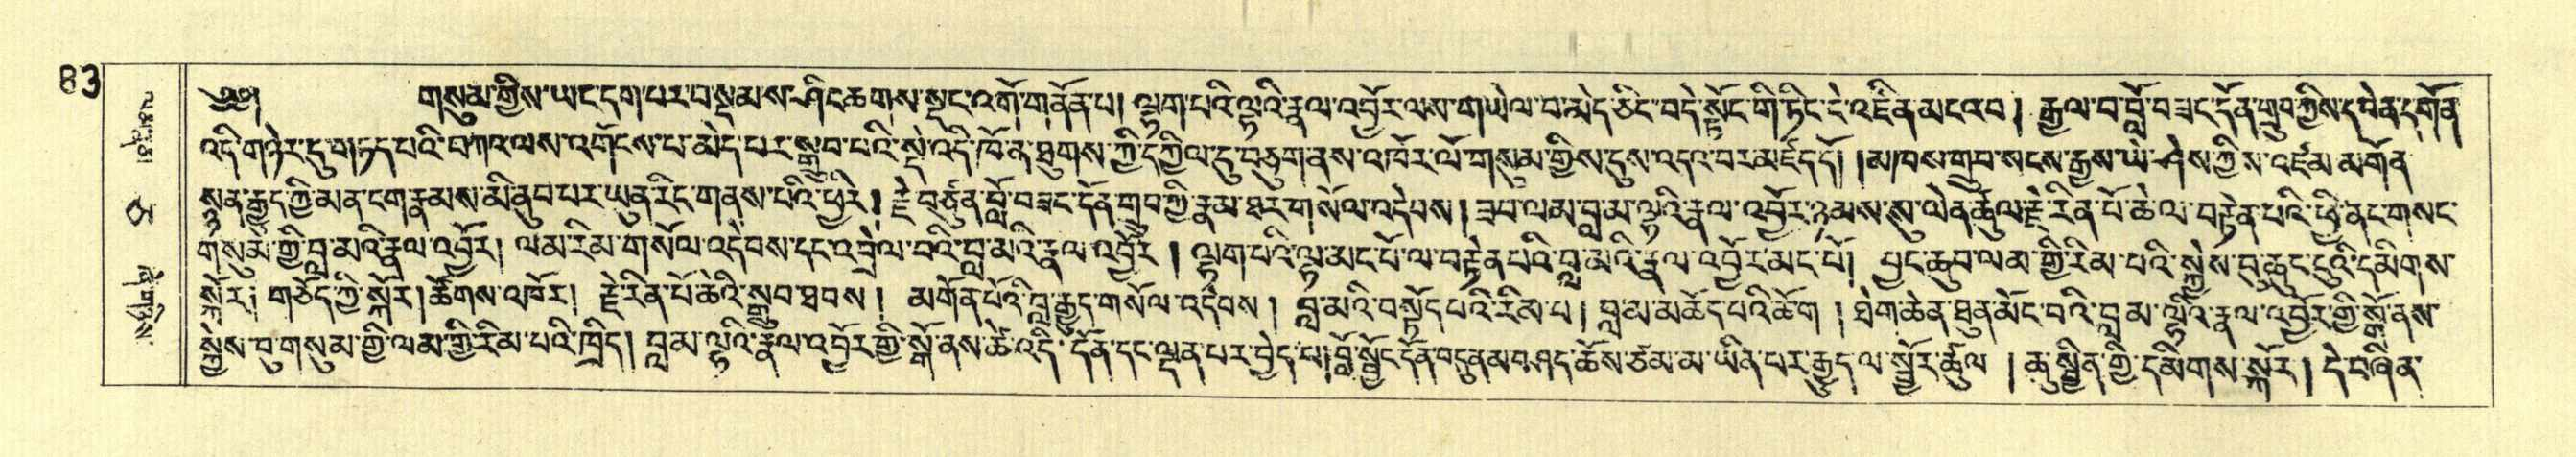༄༅། །གསུམ་གྱིས་ཡང་དག་པར་བསྡམས་ཤིང་ཆགས་སྡང་འགོ་གནོན་པ། ལྷག་པའི་ལྷའི་རྣལ་འབྱོར་ལས་གཡེལ་བ་མེད་ཅིང་བདེ་སྟོང་གི་ཏིང་ངེ་འཛིན་མངའ་བ། རྒྱལ་བ་བློ་བཟང་དོན་གྲུབ་ཀྱིས་དབེན་དགོན་
འདི་གཉེར་དུ་གཏད་པའི་བཀའ་ལས་འགོངས་པ་མེད་པར་སྒྲུབ་པའི་སྡེ་འདི་ཁོ་ན་ཐུགས་ཀྱི་དཀྱིལ་དུ་བཅུག་ནས་འཁོར་ལོ་གསུམ་གྱིས་དུས་འདའ་བར་མཛད་དོ། །མཁས་གྲུབ་སངས་རྒྱས་ཡེ་ཤེས་ཀྱིས་འཛམ་མགོན་
སྙན་རྒྱུད་ཀྱི་མན་ངག་རྣམས་མི་ནུབ་པར་ཡུན་རིང་གནས་པའི་ཕྱིར། རྗེ་བཙུན་བློ་བཟང་དོན་གྲུབ་ཀྱི་རྣམ་ཐར་གསོལ་འདེབས། ཟབ་ལམ་བླ་མ་ལྷའི་རྣལ་འབྱོར་ཉམས་སུ་ལེན་ཚུལ་རྗེ་རིན་པོ་ཆེ་ལ་བརྟེན་པའི་ཕྱི་ནང་གསང་
གསུམ་གྱི་བླ་མའི་རྣལ་འབྱོར། ལམ་རིམ་གསོལ་འདེབས་དང་འབྲེལ་བའི་བླ་མའི་རྣལ་འབྱོར། ལྷག་པའི་ལྷ་མང་པོ་ལ་བརྟེན་པའི་བླ་མའི་རྣལ་འབྱོར་མང་པོ། བྱང་ཆུབ་ལམ་གྱི་རིམ་པའི་སྐྱེས་བུ་ཆུང་དུའི་དམིགས་
སྐོར༑ གཅོད་ཀྱི་སྐོར། ཚོགས་འཁོར། རྗེ་རིན་པོ་ཆེའི་སྒྲུབ་ཐབས། མགོན་པོའི་བླ་རྒྱུད་གསོལ་འདེབས། བླ་མའི་བསྟོད་པའི་རིམ་པ། བླ་མ་མཆོད་པའི་ཆོག །ཐེག་ཆེན་ཐུན་མོང་བའི་བླ་མ་ལྷའི་རྣལ་འབྱོར་གྱི་སྒོ་ནས་
སྐྱེས་བུ་གསུམ་གྱི་ལམ་གྱི་རིམ་པའི་ཁྲིད། བླ་མ་ལྷའི་རྣལ་འབྱོར་གྱི་སྒོ་ནས་ཚེ་འདི་དོན་དང་ལྡན་པར་བྱེད་པ། བློ་སྦྱོང་དོན་བདུན་མ་བཤད་ཆོས་ཙམ་མ་ཡིན་པར་རྒྱུད་ལ་སྦྱོར་ཚུལ། ཆུ་སྦྱིན་གྱི་དམིགས་སྐོར། དེ་བཞིན་